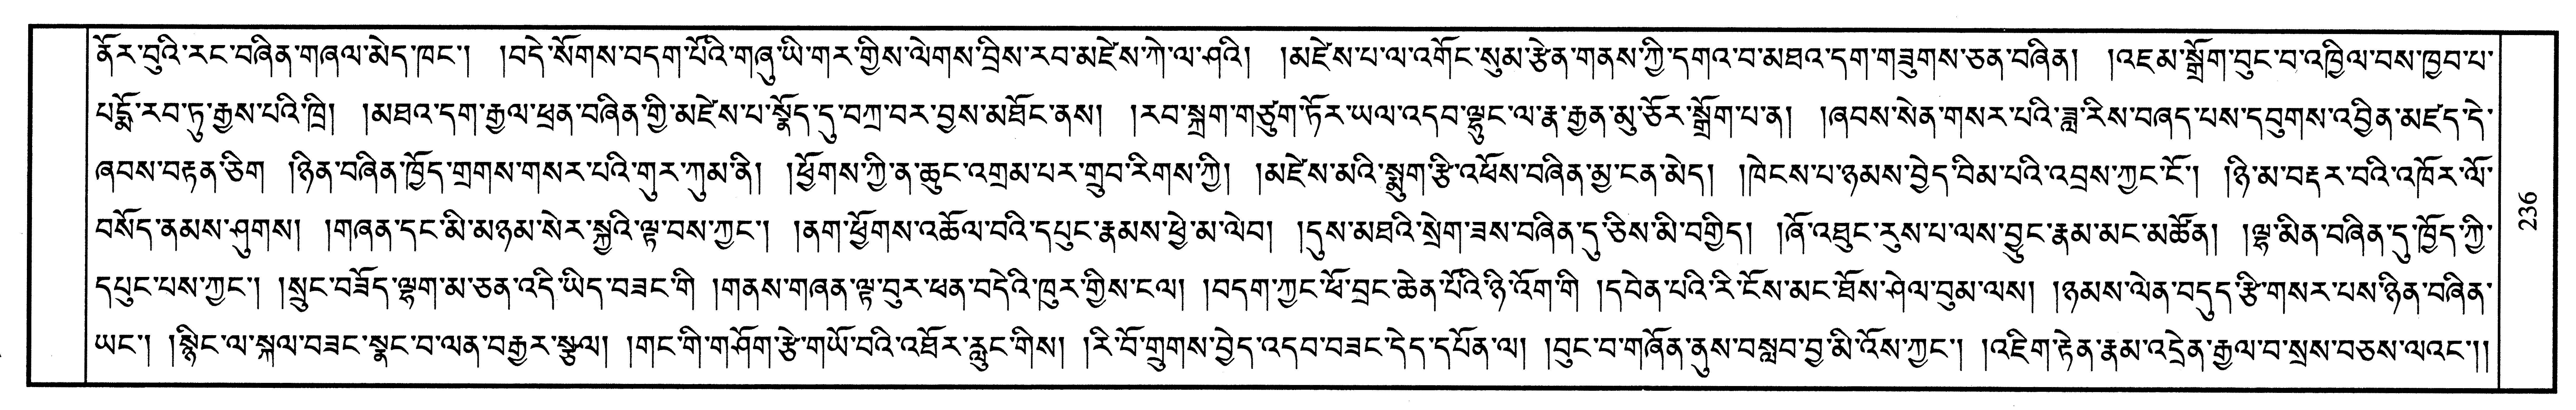ནོར་བུའི་རང་བཞིན་གཞལ་མེད་ཁང་། །བདེ་སོགས་བདག་པོའི་གཞུ་ཡི་གར་གྱིས་ལེགས་བྲིས་རབ་མཛེས་ཀེ་ལ་ཤའི། །མཛེས་པ་ལ་འགོང་སུམ་རྩེན་གནས་ཀྱི་དགའ་བ་མཐའ་དག་གཟུགས་ཅན་བཞིན། །འཇམ་སྒྲོག་བུང་བ་འཁྱིལ་བས་ཁྱབ་པ་
པདམོ་རབ་ཏུ་རྒྱས་པའི་ཁྲི། །མཐའ་དག་རྒྱལ་ཕྲན་བཞིན་གྱི་མཛེས་པ་སྣོད་དུ་བཀྲ་བར་བྱས་མཐོང་ནས། །རབ་སྐྲག་གཙུག་ཏོར་ཡལ་འདབ་ལྷུང་ལ་རྣ་རྒྱན་མུ་ཅོར་སྒྲོག་པ་ན། །ཞབས་སེན་གསར་པའི་ཟླ་རིས་བཞད་པས་དབུགས་འབྱིན་མཛད་དེ་
ཞབས་བརྟན་ཅིག །ཉིན་བཞིན་ཁྱོད་གྲགས་གསར་པའི་གུར་ཀུམ་ནི། །ཕྱོགས་ཀྱི་ན་ཆུང་འགྲམ་པར་གྲུབ་རིགས་ཀྱི། །མཛེས་མའི་སྨུག་རྩི་འཕོས་བཞིན་མྱ་ངན་མེད། །ཁེངས་པ་ཉམས་བྱེད་བིམ་པའི་འབྲས་ཀྱང་ངོ། །ཉི་མ་བརྡར་བའི་འཁོར་ལོ་
བསོད་ནམས་ཤུགས། །གཞན་དང་མི་མཉམ་སེར་སྐྱའི་ལྟ་བས་ཀྱང་། །ནག་ཕྱོགས་འཆོལ་བའི་དཔུང་རྣམས་ཕྱེ་མ་ལེབ། །དུས་མཐའི་སྲེག་ཟས་བཞིན་དུ་ཅིས་མི་བགྱིད། །ཞོ་འཐུང་རུས་པ་ལས་བྱུང་རྣམ་མང་མཚོན། །ལྷ་མིན་བཞིན་དུ་ཁྱོད་ཀྱི་
དཔུང་པས་ཀྱང་། །སྲུང་བཟོད་ལྷག་མ་ཅན་འདི་ཡིད་བཟང་གི །གནས་གཞན་ལྟ་བུར་ཕན་བདེའི་ཁུར་གྱིས་ངལ། །བདག་ཀྱང་ཕོ་བྲང་ཆེན་པོའི་ཉི་འོག་གི །དབེན་པའི་རི་ངོས་མང་ཐོས་ཤེལ་བུམ་ལས། །ཉམས་ལེན་བདུད་རྩི་གསར་པས་ཉིན་བཞིན་
ཡང་། །སྙིང་ལ་སྐལ་བཟང་སྣང་བ་ལན་བརྒྱར་སྩལ། །གང་གི་གཤོག་རྩེ་གཡོ་བའི་འཐོར་རླུང་གིས། །རི་བོ་གྲུགས་བྱེད་འདབ་བཟང་དེད་དཔོན་ལ། །བུང་བ་གཞོན་ནུས་བསླབ་བྱ་མི་འོས་ཀྱང་། །འཇིག་རྟེན་རྣམ་འདྲེན་རྒྱལ་བ་སྲས་བཅས་ལའང།།